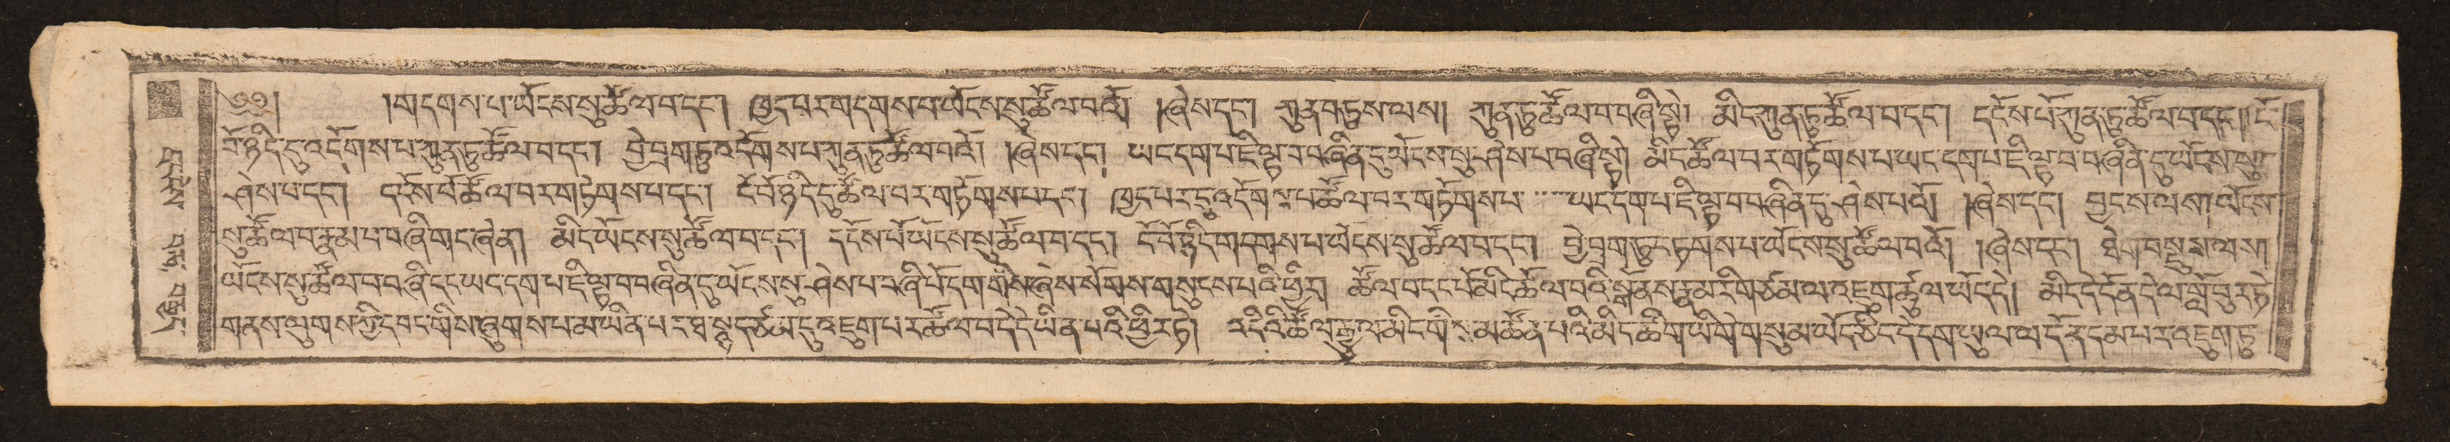༄༅། །གདགས་བ་ཡོངས་སུ་ཚོལ་བ་དང་། ཁྱད་པར་གདགས་པ་ཡོངས་སུ་ཚོལ་བའོ། །ཞེས་དང་། ཀུན་བཏུས་ལས། ཀུན་ཏུ་ཚོལ་བ་བཞི་སྟེ། མིང་ཀུན་ཏུ་ཚོལ་བ་དང་། དངོས་པོ་ཀུན་ཏུ་ཚོལ་བ་དང་། ངོ་
བོ་ཉིད་དུ་འདོགས་པ་ཀུན་ཏུ་ཚོལ་བ་དང་། བྱེ་བྲག་ཏུ་འདོགས་པ་ཀུན་ཏུ་ཚོལ་བའོ། །ཞེས་དང་། ཡང་དག་པ་ཇི་ལྟ་བ་བཞིན་དུ་ཡོངས་སུ་ཤེས་པ་བཞི་སྟེ། མིང་ཚོལ་པར་གཏོགས་པ་ཡང་དག་པ་ཇི་ལྟ་བ་བཞིན་དུ་ཡོངས་སུ་
ཤེས་པ་དང་། དངོས་པོ་ཚོལ་བར་གཏོགས་པ་དང་། ངོ་བོ་ཉིད་དུ་ཚོལ་བར་གཏོགས་པ་དང་། ཁྱད་པར་དུ་འདོགས་པ་ཚོལ་བར་གཏོགས་པ་ཡང་དག་བ་ཇི་ལྟ་བ་བཞིན་དུ་ཤེས་པའོ། །ཞེས་དང་། བྱང་ས་ལས། ཡོངས་
སུ་ཚོལ་བ་རྣམ་པ་བཞི་གང་ཞེ་ན། མིང་ཡོངས་སུ་ཚོལ་བ་དང་། དངོས་པོ་ཡོངས་སུ་ཚོལ་བ་དང་། ངོ་བོ་ཉིད་གདགས་པ་ཡོངས་སུ་ཚོལ་བ་དང་། བྱེ་བྲག་ཏུ་བཏགས་པ་ཡོངས་སུ་ཚོལ་བའོ། །ཞེས་དང་། ཐེག་བསྡུས་ལས།
ཡོངས་སུ་ཚོལ་བ་བཞི་དང་ཡང་དག་པ་ཇི་ལྟ་བ་བཞིན་དུ་ཡོངས་སུ་ཤེས་པ་བཞི་པོ་དག་གིས་ཞེས་སོགས་གསུངས་པའི་ཕྱིར། ཚོལ་བ་དང་པོ་མིང་ཚོལ་པའི་སྒོ་ནས་རྣམ་རིག་ཙམ་ལ་འཇུག་ཚུལ་ཡོད་དེ། མིང་དེ་དོན་དེ་ལ་གློ་བུར་ཏེ་
གནས་ལུགས་ཀྱི་དབང་གིས་ཞུགས་པ་མ་ཡིན་པར་ཐ་སྙད་ཙམ་དུ་འཇུག་པར་ཚོལ་བ་དེ་དེ་ཡིན་པའི་ཕྱིར་ཏེ། འདིའི་ཚོལ་རྒྱུ་ལ་མིང་གིས་མཚོན་པའི་མིང་ཚིག་ཡི་གེ་གསུམ་ཡོད་ཅིང་དེ་དག་ཡུལ་ལ་དོན་དམ་པར་འཇུག་ཏུ་